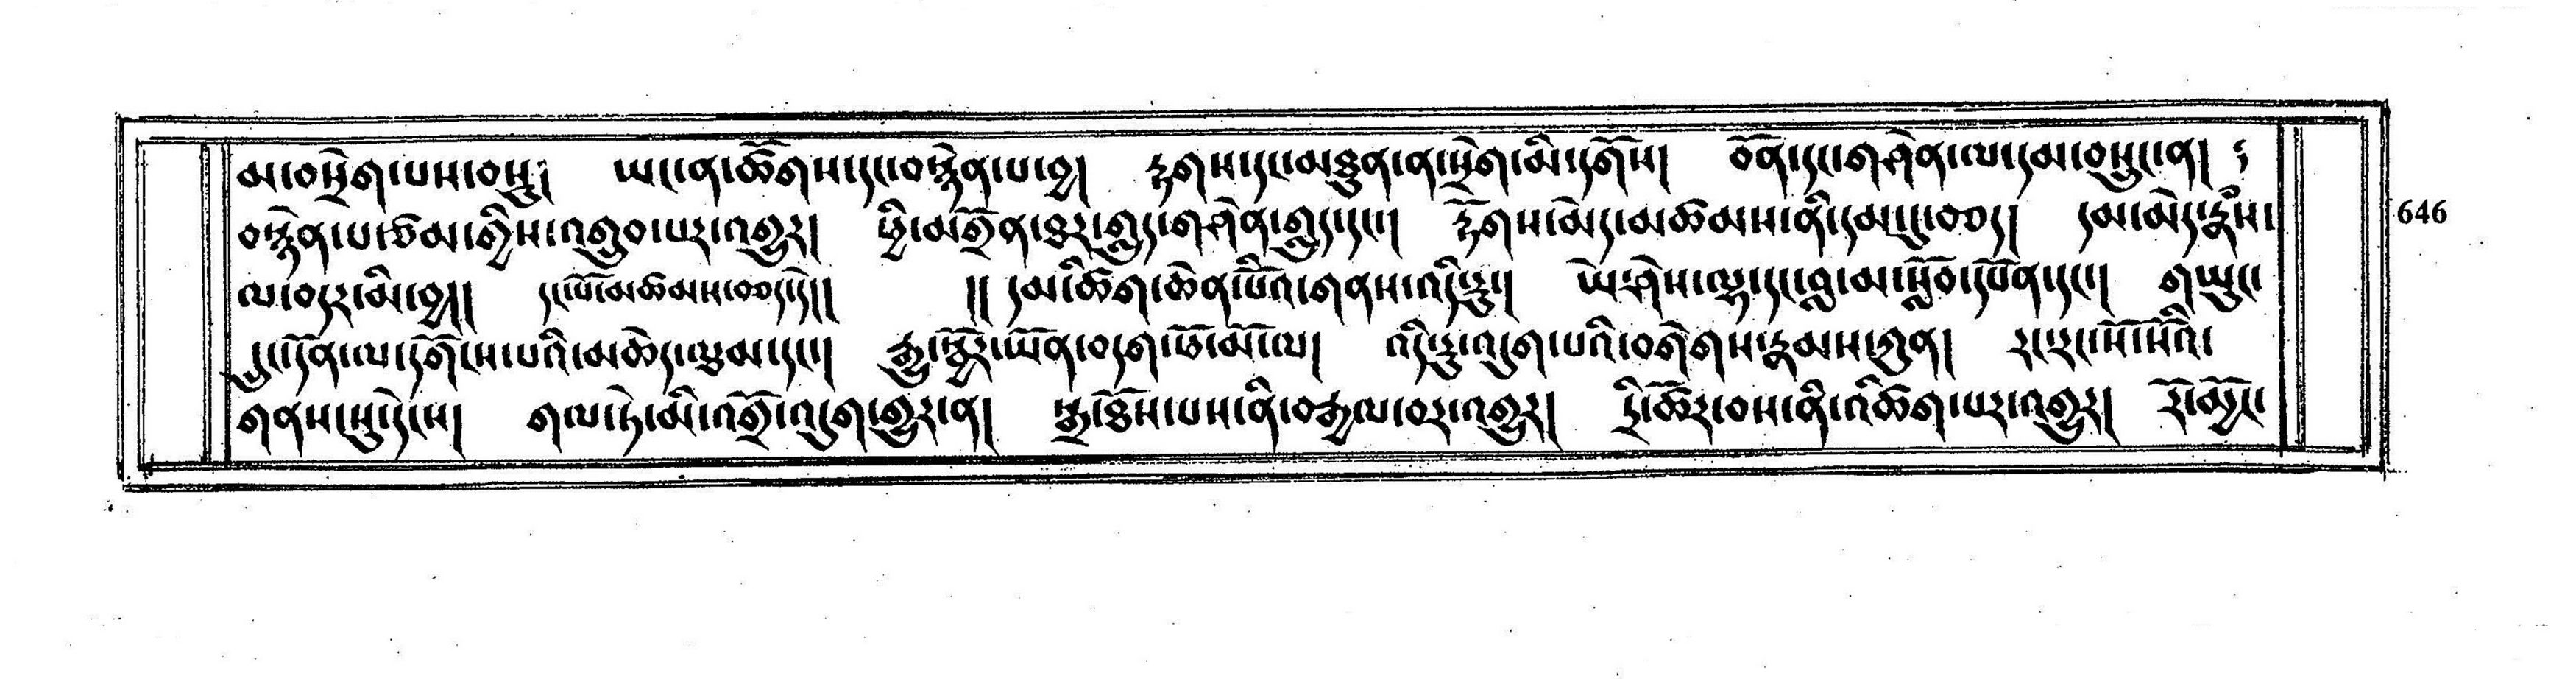མ་བསྲེག་པས་བསྡུ། ཡང་ན་ཚོགས་དང་བསྙེན་པ་བྱ། རྟགས་དང་མཐུན་ན་སྲེག་མི་དགོས། བོན་དང་གཤེན་ལ་དམ་བསྲུང་ན། 
བསྙེན་པ་ཙམ་གྱིས་འགྲུབ་པར་འགྱུར། ཕྱི་མགྲོན་ཐར་གླུད་གཤེན་གླུད་དང་། རྟོག་མེད་མཚམས་ནི་དམ་དུ་བཅད། དམ་མེད་རྣམས་
ལ་བདར་མི་བྱ།། དང་པོ་མཚམས་བཅད་དེ།། །།དམ་ཚིག་ཆེན་པོའི་གནས་འདི་རུ། ཡེ་ཤེས་ལྷ་དང་བླ་མ་སློབ་དཔོན་དང་། གཡུང་
དྲུང་དོན་ལ་དགོངས་པའི་མཆེད་ལྕམ་དང་། རྒྱུ་སྦྱོར་ཡོན་བདག་ཕོ་མོ་ལ། འདི་རུ་འདུག་པའི་བགེགས་རྣམས་ཀུན། རང་རང་སོ་སོའི་
གནས་སུ་དེངས། གལ་ཏེ་མི་འགྲོ་འདུག་གྱུར་ན། སྒྲ་ཐོས་པས་ནི་བརྒྱལ་བར་འགྱུར། དྲི་ཚོར་བས་ནི་འཚིག་པར་འགྱུར། རོ་མྱོང་